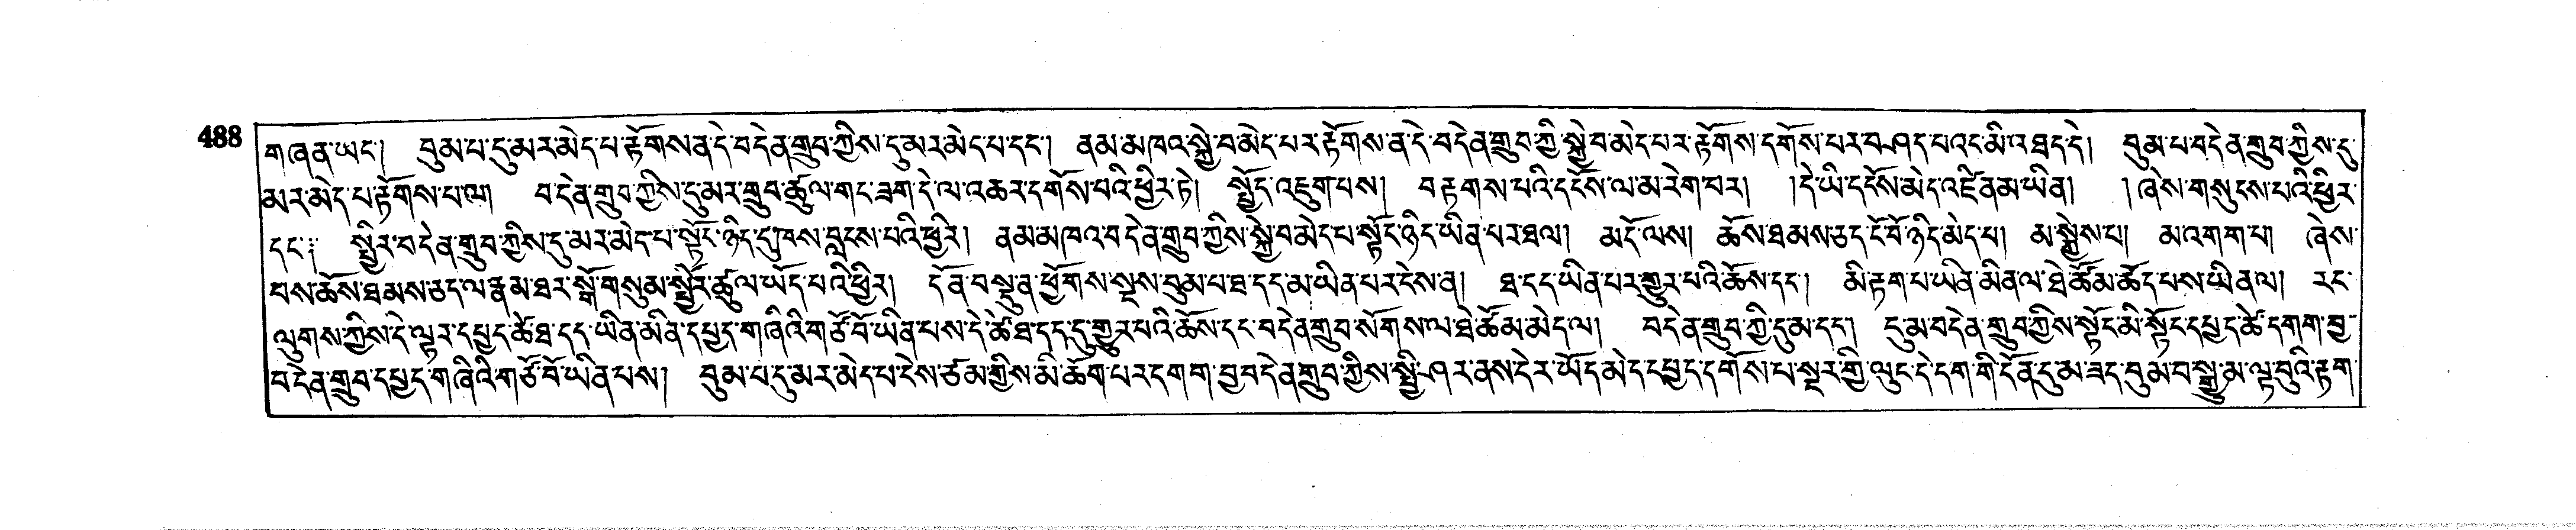གཞན་ཡང་། བུམ་པ་དུ་མར་མེད་པ་རྟོགས་ན་དེ་བདེན་གྲུབ་ཀྱིས་དུ་མར་མེད་པ་དང་། ནམ་མཁའ་སྐྱེ་བ་མེད་པར་རྟོགས་ན་དེ་བདེན་གྲུབ་ཀྱི་སྐྱེ་བ་མེད་པར་རྟོགས་དགོས་པར་བཤད་པའང་མི་འཐད་དེ། བུམ་པ་བདེན་གྲུབ་ཀྱིས་དུ་
མར་མེད་པ་རྟོགས་པ་ལ། བ་དེན་གྲུབ་ཀྱིས་དུ་མར་གྲུབ་ཚུལ་གང་ཟག་དེ་ལ་འཆར་དགོས་པའི་ཕྱིར་ཏེ། སྤྱོད་འཇུག་པས། བརྟགས་པའི་དངོས་ལ་མ་རེག་པར། །དེ་ཡི་དངོས་མེད་འཛིན་མ་ཡིན། །ཞེས་གསུངས་པའི་ཕྱིར་
དང་། སྤྱིར་བདེན་གྲུབ་ཀྱིས་དུ་མར་མེད་པ་སྟོང་ཉིད་དུ་ཁས་བླངས་པའི་ཕྱིར། ནམ་མཁའ་བདེན་གྲུབ་ཀྱིས་སྐྱེ་བ་མེད་པ་སྟོང་ཉིད་ཡིན་པར་ཐལ། མདོ་ལས། ཆོས་ཐམས་ཅད་ངོ་བོ་ཉིད་མེད་པ། མ་སྐྱེས་པ། མ་འགག་པ། ཞེས་
པས་ཆོས་ཐམས་ཅད་ལ་རྣམ་ཐར་སྒོ་གསུམ་སྤྱིར་ཚུལ་ཡོད་པའི་ཕྱིར། དོན་བསྡུ་ན་ཕྱོགས་སྔས་བུམ་པ་ཐ་དད་མ་ཡིན་པར་ངེས་ན། ཐ་དད་ཡིན་པར་གྱུར་པའི་ཆོས་དང་། མི་རྟག་པ་ཡིན་མིན་ལ་ཐེ་ཚོམ་ཆོད་པས་ཡིན་ལ། རང་
ལུགས་ཀྱིས་དེ་ལྟར་དཔྱད་ཚེ་ཐ་དད་ཡིན་མིན་དཔྱད་གཞིའི་གཙོ་བོ་ཡིན་པས་དེ་ཚེ་ཐ་དད་དུ་གྱུར་པའི་ཆོས་དང་བདེན་གྲུབ་སོགས་ལ་ཐེ་ཚོམ་མེད་ལ། བདེན་གྲུབ་ཀྱི་དུ་མ་དང་། དུ་མ་བདེན་གྲུབ་ཀྱིས་སྟོང་མི་སྟོང་དཔྱད་ཚེ་དགག་བྱ་
བདེན་གྲུབ་དཔྱད་གཞིའི་གཙོ་བོ་ཡིན་པས། བུམ་པ་དུ་མར་མེད་པ་ངེས་ཙམ་གྱིས་མི་ཆོག་པར་དགག་བྱ་བདེན་གྲུབ་ཀྱིས་སྤྱི་ཤར་ནས་དེར་ཡོད་མེད་དཔྱད་དགོས་པ་སྔར་གྱི་ལུང་དེ་དག་གི་དོན་དུ་མ་ཟད་བུམ་པ་སྒྱུ་མ་ལྟ་བུའི་རྟག་